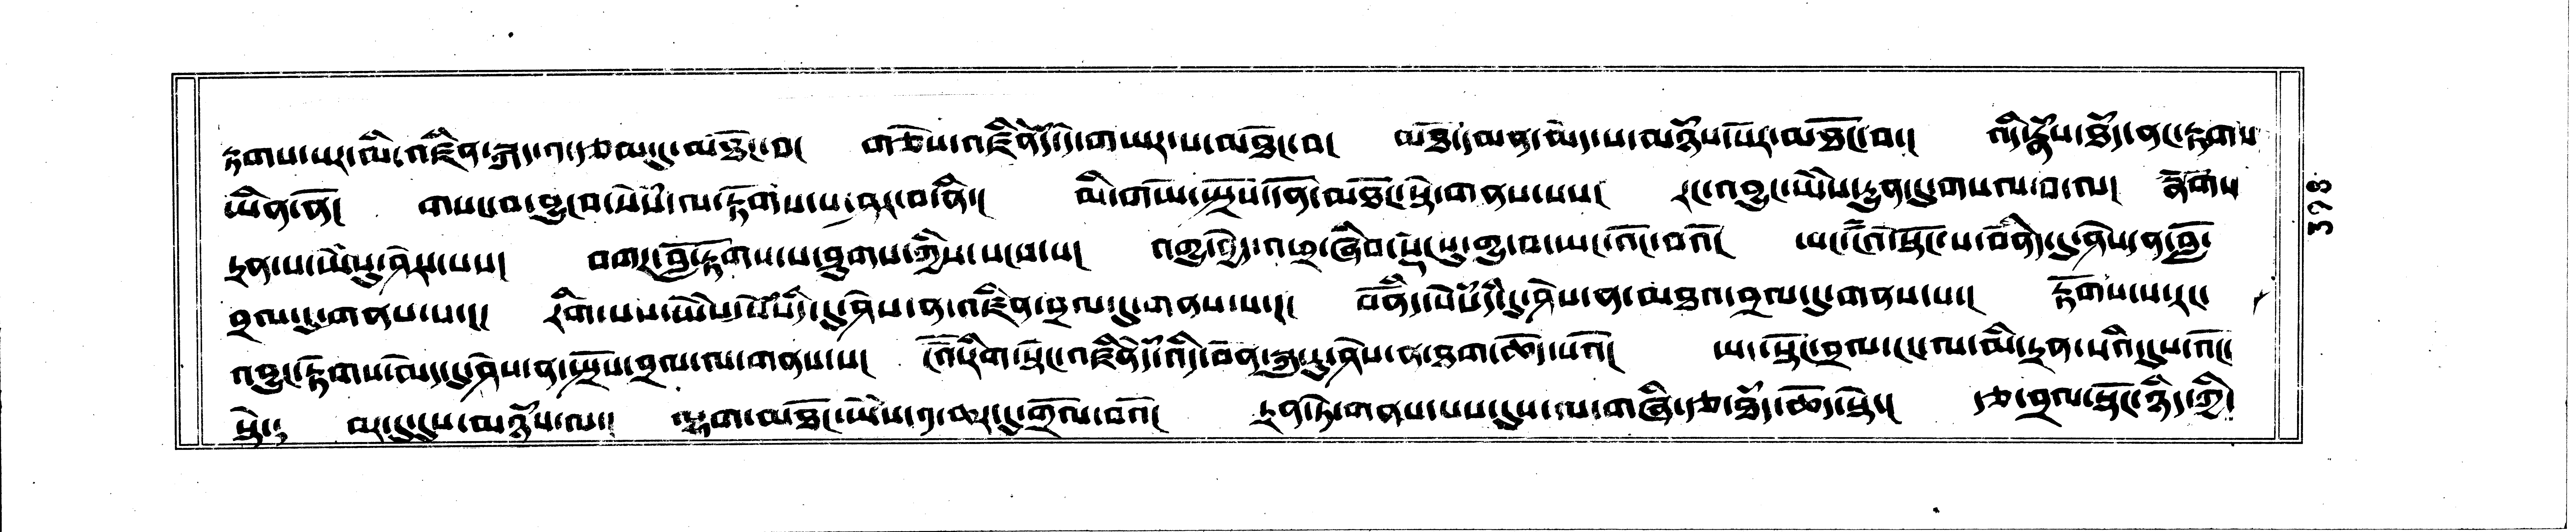རྟག་པར་མི་འཛིན་སྐད་ཅིག་ཡུད་ཙམ་དུ་མཐོང་པ། གཅེས་འཛིན་མེད་དེ་གཡར་པོར་མཐོང་པ། མཐོ་དམེན་མེད་དེ་མཉམ་པོར་མཐོང་པ། འདི་རྣམས་ཐམས་ཅད་ནང་གིས་རྟགས་
ཡིན་ནོ། གསང་བ་བྱང་ཆུབ་སེམས་ལ་རྟགས་ཤར་བ་ནི། མི་གཡོ་སྤྲོས་བྲལ་གྱིས་དོན་མཐོང་སྟེ་གསལ་བ། རང་འབྱུང་ཡེ་ཤེས་རྒྱུན་དུ་གསལ་བ། སྣ་ཚོགས་ཀྱི་
དྲན་པ་ཡེ་ཤེས་སུ་ཤེས་པ། བག་ཆགས་བློ་རྟོག་རང་ཤུགས་ཀྱིས་སངས་པ། འགྱུ་བྱེད་འཕྲ་ཞིབ་ལྡོངས་༼སྡོངས༽སུ་གྱུར་པ་ཡང་ཡོད་པའོ། ཡང་ངོའོ་སྟོང་པ་བོན་ཉིད་དུ་ཤེས་ནས། བློ་
བྲལ་དུ་གནས་པ། རིག་པའི་ཡེ་ཤེས་འཛིན་མེད་དུ་ཤེས་ནས་འཛིན་བྲལ་དུ་གནས་པ། བོན་ཉིད་སེམས་ཉིད་དབྱེར་མེད་དུ་ཤེས་ནས་མཐའ་བྲལ་དུ་གནས་པ། རྟོགས་པ་རང་
འབྱུང་རྟོགས་མེད་དུ་ཤེས་ནས་སྤྲོས་བྲལ་དུ་གནས་པ། ངོའོ་རིག་སྟོང་འཛིན་མེད་འདི་བོན་སྐུ་རུ་ཤེས་ནས་ཐག་ཆོད་པའོ། ཡང་རྟོར་”སྟོང”བྲལ་འོང་ནས་མི་དྲན་པའི་དུས་འོང་
སྟེ། བྷར་(འབར)སྟོང་དུས་མཉམ་ལ་ལྷག་མཐོང་ཡེ་ཤེས་ཅིག་འཆར་དུ་གྲོལ་བའོ། དྲན་ཏེ་གནས་པའི་དུས་ལ་གཞི་རྩ་ཐམས་ཅད་ཆོད་སྟེ་རྩ་བྲལ་སྟོང་ཉིད་ཀྱི་